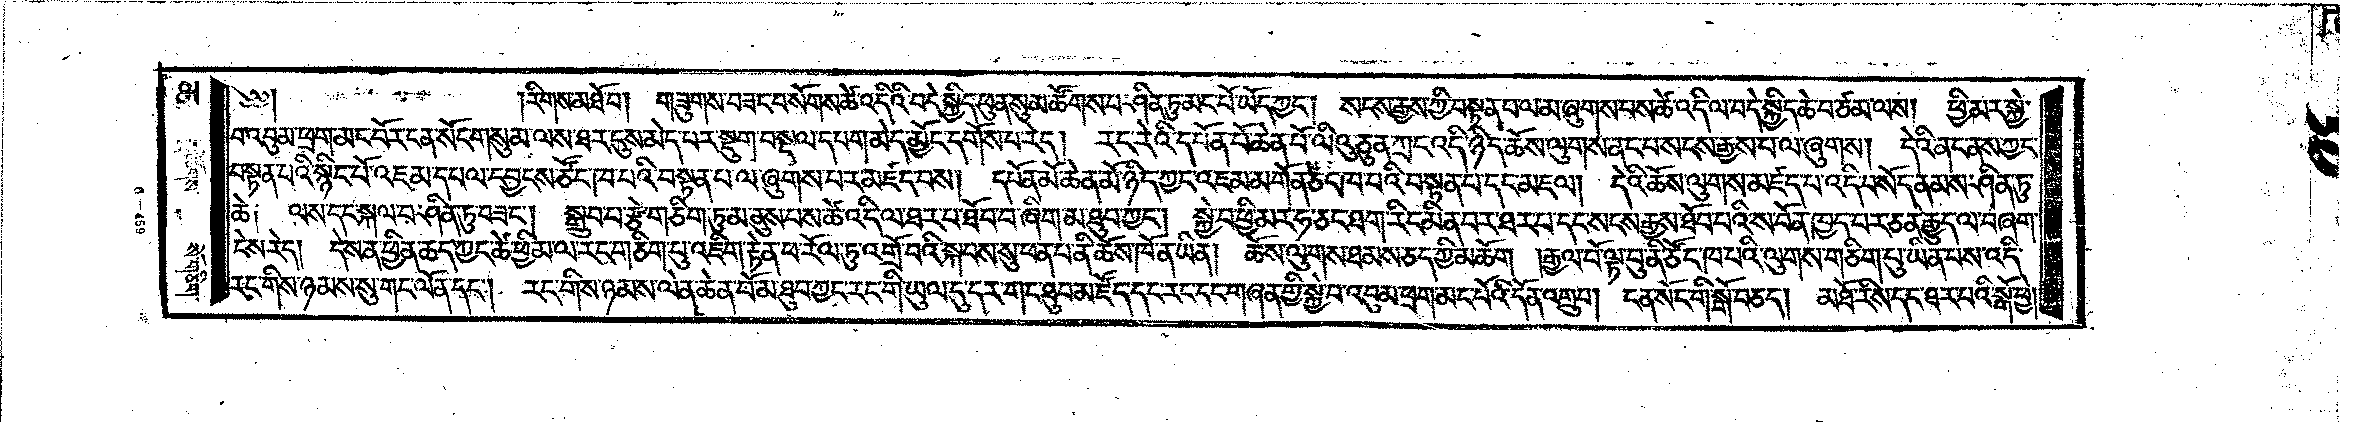༄༅། །རིགས་མཐོ་བ། གཟུགས་བཟང་བ་སོགས་ཚེ་འདིའི་བདེ་སྐྱིད་ཕུན་སུམ་ཚོགས་པ་ཤིན་ཏུ་མང་པོ་ཡོད་ཀྱང་། སངས་རྒྱས་ཀྱི་བསྟན་པ་ལམ་ཞུགས་པས་ཚེ་འདི་ལ་བདེ་སྐྱིད་ཆེ་བ་ཙམ་ལས། ཕྱི་མར་སྐྱེ་
བ་འབུམ་ཕྲག་མང་བོར་ངན་སོང་གསུམ་ལས་ཐར་དུས་མེད་པར་སྡུག་བསྔལ་དཔག་མེད་མྱོང་དགོས་པ་རེད། རང་རེའི་དཔོན་པོ་ཆེན་པོ་ལིའུ་ཅུན་ཀྲང་འདི་ཉིད་ཆོས་ལུགས་ནང་པ་སངས་རྒྱས་པ་ལ་ཞུགས། དེའི་ནང་ནས་ཀྱང་
བསྟན་པའི་སྙིང་པོ་འཇམ་དཔལ་དབྱངས་ཙོང་ཁ་པའི་བསྟན་པ་ལ་ཞུགས་པར་མཛད་པས། དཔོན་མོ་ཆེན་མོ་ཉིད་ཀྱང་འཇམ་མགོན་ཙོང་ཁ་པའི་བསྟན་པ་དང་མཇལ། དེའི་ཆོས་ལུགས་མཛད་པ་འདི་བསོད་ནམས་ཤིན་ཏུ་
ཆེ༑ ལས་དང་སྐལ་བ་ཤིན་ཏུ་བཟང་། སྒྲུབ་པ་རྩེ་གཅིག་ཏུ་མ་ནུས་པས་ཚེ་འདི་ལ་ཐར་པ་ཐོབ་བ་ཞིག་མ་ཐུབ་ཀྱང་། སྐྱེ་བ་ཕྱི་མར་ཧ་ཅང་ཐག་རིང་མིན་བར་ཐར་པ་དང་སངས་རྒྱས་ཐོབ་པའི་ས་བོན་ཁྱད་པར་ཅན་རྒྱུད་ལ་བཞག་
ངེས་རེད། དེས་ན་ཕྱིན་ཆད་ཀྱང་ཚེ་ཕྱི་མ་ལ་རང་གཅིག་པུ་འཇིག་རྟེན་ཕ་རོལ་ཏུ་འགྲོ་བའི་སྐབས་སུ་ཕན་པ་ནི་ཆོས་ཁོ་ན་ཡིན། ཆོས་ལུགས་ཐམས་ཅད་ཀྱི་མཆོག །རྒྱལ་པོ་ལྟ་བུ་ནི་ཙོང་ཁ་པའི་ལུགས་གཅིག་པུ་ཡིན་པས་འདི་
རང་གིས་ཉམས་སུ་གང་ལོན་དང་། རང་གིས་ཉམས་ལེན་ཆེན་པོ་མ་ཐུབ་ཀྱང་རང་གི་ཡུལ་དུ་དར་གང་ཐུབ་མཛོད་དང་རང་དང་གཞན་གྱི་སྐྱེ་བ་འབུམ་ཕྲག་མང་པོའི་དོན་འགྲུབ། ངན་སོང་གི་སྒོ་བཅད། མཐོ་རིས་དང་ཐར་པའི་སྒོ་ཕྱེ།